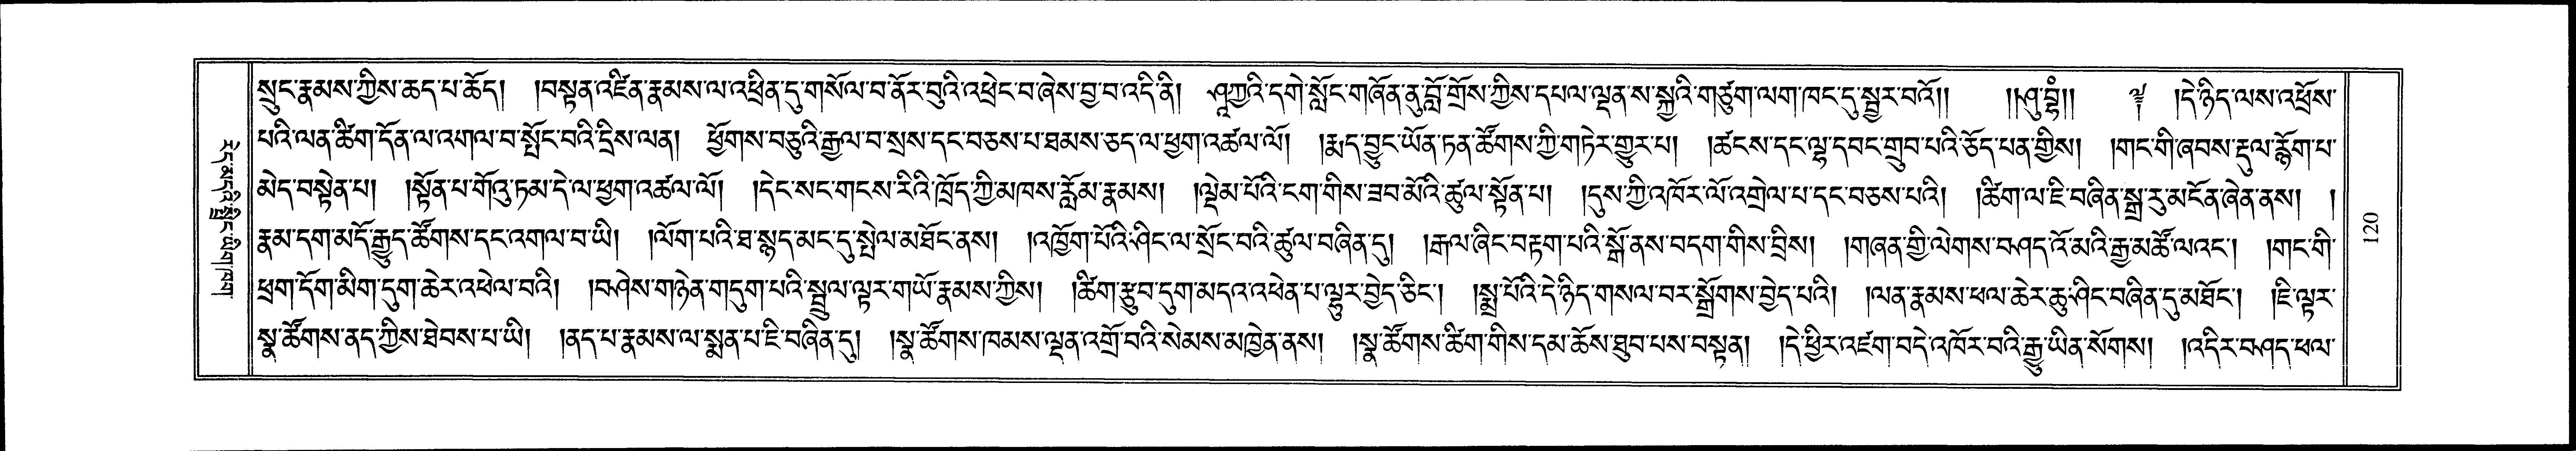སྲུང་རྣམས་ཀྱིས་ཆད་པ་ཆོད། །བསྟན་འཛིན་རྣམས་ལ་འཕྲིན་དུ་གསོལ་བ་ནོར་བུའི་འཕྲེང་བ་ཞེས་བྱ་བ་འདི་ནི། ཤཱཀྱའི་དགེ་སློང་གཞོན་ནུ་བློ་གྲོས་ཀྱིས་དཔལ་ལྡན་ས་སྐྱའི་གཙུག་ལག་ཁང་དུ་སྦྱར་བའོ།། །།ཤུ་བྷཾ།། ༈ །དེ་ཉིད་ལས་འཕྲོས་
པའི་ལན་ཚིག་དོན་ལ་འགལ་བ་སྤོང་བའི་དྲིས་ལན། ཕྱོགས་བཅུའི་རྒྱལ་བ་སྲས་དང་བཅས་པ་ཐམས་ཅད་ལ་ཕྱག་འཚལ་ལོ། །རྨད་བྱུང་ཡོན་ཏན་ཚོགས་ཀྱི་གཏེར་གྱུར་པ། །ཚངས་དང་ལྷ་དབང་གྲུབ་པའི་ཅོད་པན་གྱིས། །གང་གི་ཞབས་རྡུལ་རྙོག་པ་
མེད་བསྟེན་པ། །སྟོན་པ་གོའུ་ཏམ་དེ་ལ་ཕྱག་འཚལ་ལོ། །དེང་སང་གངས་རིའི་ཁྲོད་ཀྱི་མཁས་རློམ་རྣམས། །ལྡེམ་པོའི་ངག་གིས་ཟབ་མོའི་ཚུལ་སྟོན་པ། །དུས་ཀྱི་འཁོར་ལོ་འགྲེལ་པ་དང་བཅས་པའི། །ཚིག་ལ་ཇི་བཞིན་སྒྲ་རུ་མངོན་ཞེན་ནས། །
རྣམ་དག་མདོ་རྒྱུད་ཚོགས་དང་འགལ་བ་ཡི། །ལོག་པའི་ཐ་སྙད་མང་དུ་སྤེལ་མཐོང་ནས། །འཁྱོག་པོའི་ཤིང་ལ་སྲོང་བའི་ཚུལ་བཞིན་དུ། །རྒལ་ཞིང་བརྟག་པའི་སྒོ་ནས་བདག་གིས་བྲིས། །གཞན་གྱི་ལེགས་བཤད་འོ་མའི་རྒྱ་མཚོ་ལའང་། །གང་གི་
ཕྲག་དོག་མིག་དུག་ཆེར་འཕེལ་བའི། །བཤེས་གཉེན་གདུག་པའི་སྦྲུལ་ལྟར་གཡོ་རྣམས་ཀྱིས། །ཚིག་རྩུབ་དུག་མདའ་འཕེན་པ་ལྷུར་བྱེད་ཅིང་། །སྨྲ་པོའི་དེ་ཉིད་གསལ་བར་སྒྲོགས་བྱེད་པའི། །ལན་རྣམས་ཕལ་ཆེར་ཆུ་ཤིང་བཞིན་དུ་མཐོང་། །ཇི་ལྟར་
སྣ་ཚོགས་ནད་ཀྱིས་ཐེབས་པ་ཡི། །ནད་པ་རྣམས་ལ་སྨན་པ་ཇི་བཞིན་དུ། །སྣ་ཚོགས་ཁམས་ལྡན་འགྲོ་བའི་སེམས་མཁྱེན་ནས། །སྣ་ཚོགས་ཚིག་གིས་དམ་ཆོས་ཐུབ་པས་བསྟན། །དེ་ཕྱིར་འཛག་བདེ་འཁོར་བའི་རྒྱུ་ཡིན་སོགས། །འདིར་བཤད་ཕལ་